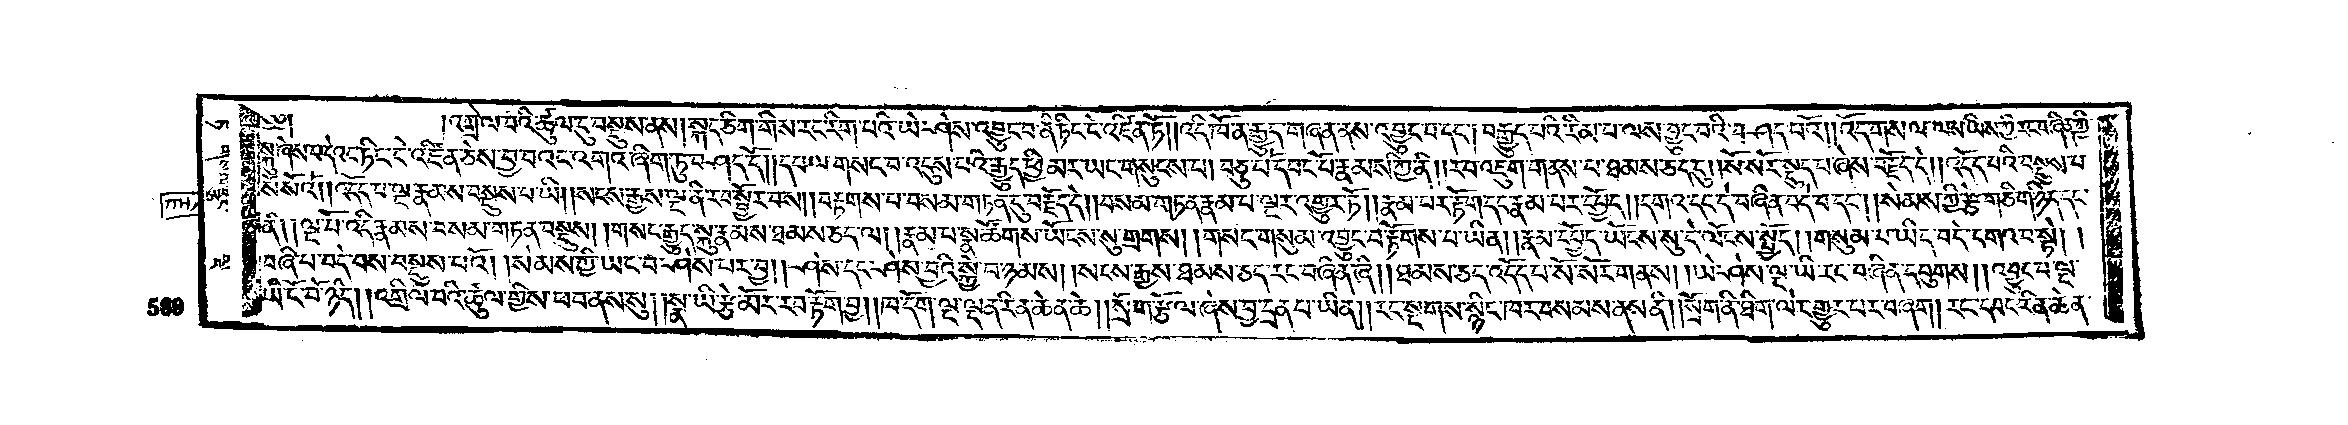༄༅། །འགྲེལ་བའི་ཚུལ་དུ་བསྡུས་ནས། སྐད་ཅིག་གིས་རང་རིག་པའི་ཡེ་ཤེས་འབྱུང་བ་ནི་ཏིང་ངེ་འཛིན་ཏོ། །འདི་ཁོ་ན་རྒྱུད་གཞན་ནས་འབྱུང་བ་དང་། བརྒྱུད་པའི་རིམ་པ་ལས་བྱུང་བའི་བཤད་པའོ། །འོད་གསལ་ལས་ཡིས་ཀྱི་རང་བཞིན་གྱི་
སྐུ་ཞེས་པ་དེའང་ཏིང་ངེ་འཛིན་ཅེས་བྱ་བའང་འགའ་ཞིག་ཏུ་བཤད་དོ། །དཔལ་གསང་བ་འདུས་པའི་རྒྱུད་ཕྱི་མར་ཡང་གསུངས་པ། བཅུ་པོ་དབང་པོ་རྣམས་ཀྱི་ནི། །རབ་འཇུག་གནས་པ་ཐམས་ཅད་དུ། །སོ་སོར་སྡུད་པ་ཞེས་བརྗོད་དེ། །འདོད་པའི་བསྡུས་པ་
སོ་སོའོ། །འདོད་པ་ལྔ་རྣམས་བསྡུས་པ་ཡི། །སངས་རྒྱས་ལྔ་ནི་རབ་སྦྱོར་བས། །བརྟགས་པ་བསམ་གཏན་དུ་བརྗོད་དེ། །བསམ་གཏན་རྣམ་པ་ལྔར་འགྱུར་ཏོ། །རྣམ་པར་རྟོག་དང་རྣམ་པར་དཔྱོད། །དགའ་དང་དེ་བཞིན་བདེ་བ་དང་། །སེམས་ཀྱི་རྩེ་གཅིག་ཉིད་དང་
ནི། །ལྔ་པོ་འདི་རྣམས་བསམ་གཏན་བསྡུས། །གསང་རྒྱུད་སྐུ་རྣམས་ཐམས་ཅད་ལ། །རྣམ་པ་སྣ་ཚོགས་ཡོངས་སུ་གྲོགས། །གསང་གསུམ་འབྱུང་བ་རྟོགས་པ་ཡིན། །རྣམ་དཔྱོད་ཡོངས་སུ་དེ་ལོངས་སྤྱོད། །གསུམ་པ་ཡིད་བདེ་དགའ་བ་སྟེ། །
བཞི་པ་བདེ་བས་བསྡུས་པའོ། །སེམས་ཀྱི་ཡང་བ་ཤེས་པར་བྱ། །ཤེས་དང་ཤེས་བྱའི་སྐྱེ་བ་ཉམས། །སངས་རྒྱས་ཐམས་ཅད་རང་བཞིན་ཞི། །ཐམས་ཅད་འདོད་པ་སོ་སོར་གནས། །ཡེ་ཤེས་ལྔ་ཡི་རང་བཞིན་དབུགས། །འབྱུང་བ་ལྔ་
ཡི་ངོ་བོ་ཉིད། །འགྲིལ་བའི་ཚུལ་གྱིས་ཕབ་ནས་སུ། །སྣ་ཡི་རྩེ་མོར་རབ་རྟོག་བྱ། །ཁ་དོག་ལྔ་ལྡན་རིན་ཆེན་ཆེ། །སྲོག་རྩོལ་ཞེས་བྱ་དྲན་པ་ཡིན། །རང་སྔགས་སྙིང་ཁར་བསམས་ནས་ནི། །སྲོག་ནི་ཐིག་ལེར་གྱུར་པར་བཞག །རང་དབང་རིན་ཆེན་